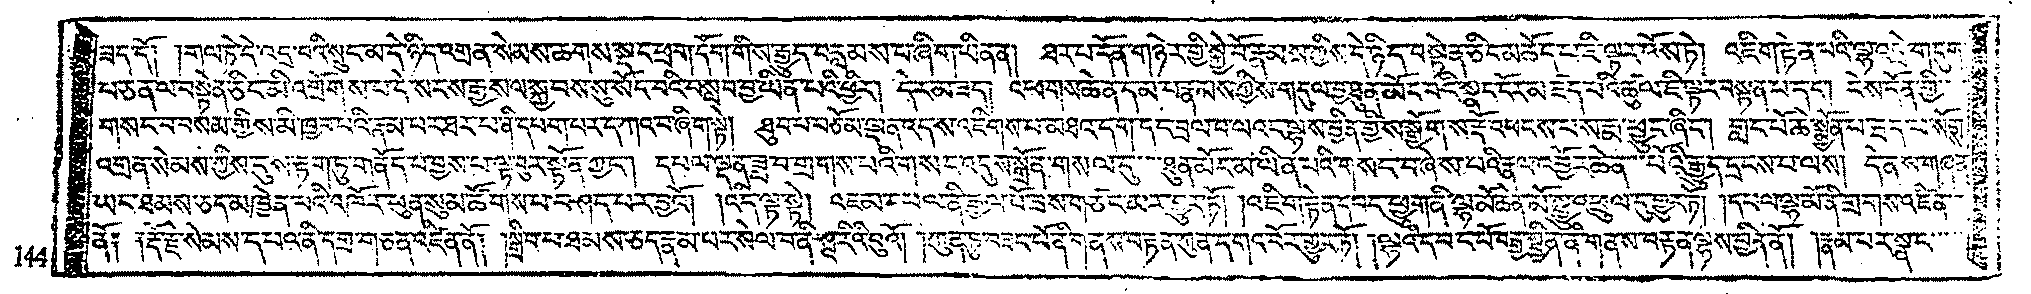ཟད་དོ། །གལ་ཏེ་དེ་འདྲ་བའི་སྲུང་མ་དེ་ཉིད་འགྲན་སེམས་ཆགས་སྡང་ཕྲག་དོང་གིས་རྒྱུད་བརླམས་པ་ཞིག་ཡིན་ན། ཐར་པ་དོན་གཉེར་གྱི་སྐྱེ་བོ་རྣམས་ཀྱིས་དེ་ཉིད་བསྟེན་ཅིང་མཆོད་པ་ཇི་ལྟར་འོས་ཏེ། འཇིག་རྟེན་པའི་ལྷ་འདྲེ་གདུག་
པ་ཅན་ལ་བསྟེན་ཅིང་མི་འགྲོགས་པ་དེ་སངས་རྒྱས་ལ་སྐྱབས་སུ་སོང་བའི་བསླབ་བྱ་ཡིན་པའི་ཕྱིར། དེར་མ་ཟད། འཕགས་ཆེན་དམ་པ་རྣམས་ཀྱིས་གདུལ་བྱ་ཐུན་མོང་བའི་སྣང་ངོར་མཛད་པའི་ཚུལ་ཇི་ལྟར་བསྟན་པ་དང་། ངེས་དོན་གྱི་
གསང་བ་བསམ་གྱིས་མི་ཁྱབ་པའི་རྣམ་པར་ཐར་པ་ནི་དཔག་པར་དཀའ་བ་ཞིག་སྟེ། ཐུབ་པ་བཅོམ་ལྡན་འདས་འཇིགས་པ་མཐའ་དག་དང་བྲལ་བ་ལའང་ལྷས་བྱིན་གྱིས་སྒྱོགས་རྡོ་འཕངས་པས་རྨ་ཕྱུང་ཞིང་། གླང་པོ་ཆེ་སྨྱོན་པ་རྦད་པ་སོགས་
འགྲན་སེམས་ཀྱིས་དུས་རྟག་ཏུ་གནོད་པ་བྱས་པ་ལྟ་བུར་སྟོན་ཀྱང་། དཔལ་ལྡན་ཟླ་བ་གྲགས་པའི་གསང་འདུ་སྒྲོན་གསལ་དུ་ཐུན་མོང་མ་ཡིན་པའི་གསང་བ་ཞེས་པའི་རྣལ་འབྱོར་ཆེན་པོའི་རྒྱུད་དྲངས་པ་ལས། དེ་ནས་གཞན་
ཡང་ཐམས་ཅད་མཁྱེན་པའི་འཁོར་ཕུན་སུམ་ཚོགས་པ་བཤད་པར་བྱའོ། །འདི་ལྟ་སྟེ། འཇམ་དཔལ་ནི་རྒྱལ་པོ་ཟས་གཙང་མར་གྱུར་ཏོ། །འཇིག་རྟེན་དབང་ཕྱུག་ནི་ལྷ་མོ་ཆེན་མོ་སྒྱུ་འཕྲུལ་དུ་གྱུར་ཏོ། །དཔལ་ལྷ་མོ་ནི་གྲགས་འཛིན་
ནོ༑ ༑རྡོ་རྗེ་སེམས་དཔའ་ནི་དགྲ་གཅན་འཛིན་ནོ། །སྒྲིབ་པ་ཐམས་ཅད་རྣམ་པ་སེལ་བ་ནི་ཤཱ་རིའི་བུའོ། །ཀུན་བཟང་པོ་ནི་གནས་བརྟེན་ཀུན་དགའ་བོར་གྱུར་ཏོ། །ལྷའི་དབང་པོ་བརྒྱ་སྤྱི་ནི་གནས་བརྟན་ལྷས་བྱིན་ནོ། །རྣམ་པར་སྣང་